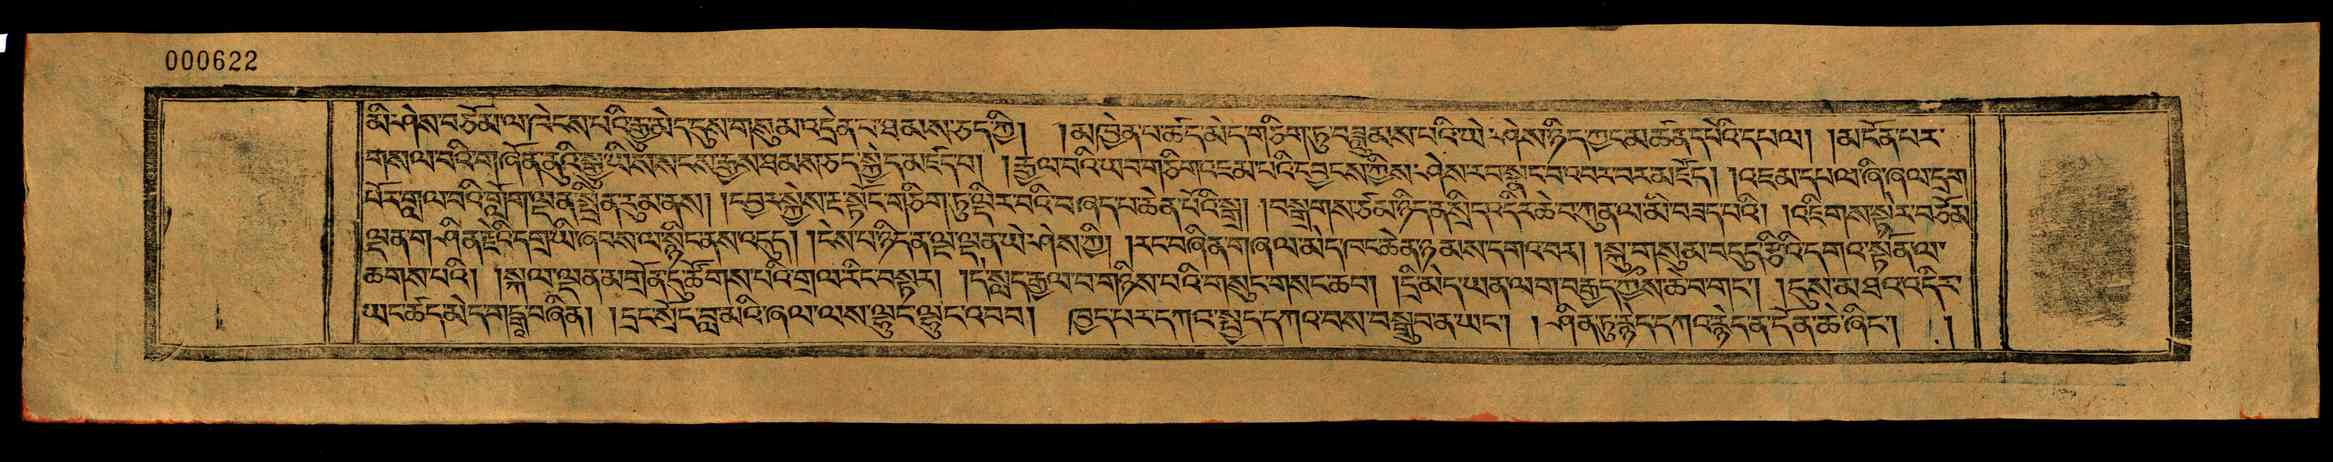མི་ཤེས་བཅོམ་ལ་ཁེངས་པའི་རྒྱུ་མེད་དུས་གསུམ་འདྲེན་པ་ཐམས་ཅད་ཀྱི། །མཁྱེན་པ་ཚད་མེད་གཅིག་ཏུ་བཟླུམས་པའི་ཡེ་ཤེས་ཉིད་ཀྱང་མཚན་དཔེའི་དཔལ། །མངོན་ཕར་
གསལ་བའི་གཞོན་ནུའི་སྒྱུ་ཡིས་སངས་རྒྱས་ཐམས་ཅད་སྐྱེད་མཛད་པ། །རྒྱལ་བའི་ཡབ་གཅིག་འཇམ་པའི་དབྱངས་ཀྱིས་ཤེས་རབ་སྣང་བ་འབར་བར་མཛོད། །འཇམ་དཔལ་ཞི་ཞལ་དྲག་
པོར་གླལ་བའི་གློག་ལྡན་སྤྲིན་རུམ་ནས། །དབྱར་སྐྱེས་རྔ་སྟོང་གཅིག་ཏུ་ལྡིང་བའི་བཞད་པ་ཆེན་པོའི་སྒྲ། །བསྒྲགས་ཙམ་ཉིད་ན་སྲིད་འདིར་ཆེ་བ་ཀུན་ལ་མི་བཟད་པའི། །འཇིགས་སྟེར་བཅོམ་
ལྡན་གཤིན་རྗེའི་དགྲ་ཡི་ཞབས་ལ་སྙིང་ནས་འདུད། །ངེས་པ་ཉིད་ན་ལྔ་ལྡན་ཡེ་ཤེས་ཀྱི། །རང་བཞིན་གཞལ་མེད་ཁང་ཆེན་ཉམས་དགའ་བར། །སྐུ་གསུམ་བདུད་རྩིའི་དགའ་སྟོན་ལ་
ཆགས་པའི། །སྐལ་ལྡན་མགྲོན་དུ་ཚོགས་པའི་གྲལ་རིང་བསྟར། །དེ་སླང་རྒྱལ་བ་གཉིས་པའི་གསུང་གསང་ཆབ། །དྲི་མེད་ཡན་ལག་བརྒྱད་ཀྱིས་ཆེ་བ་གང་། །དུས་མཐའ་འདིར་
ཡང་ཆད་མེད་གངྒཱ་བཞིན། །དྲང་སྲོང་བླ་མའི་ཞལ་ལས་ལྷུང་ལྷུང་འབབ། ཁྱད་པར་དཀའ་སྤྱད་དཀའ་བས་བསྒྲུབ་ན་ཡང་། །ཤིན་ཏུ་རྙེད་དཀའ་རྙེད་ན་དོན་ཆེ་ཞིང་། །